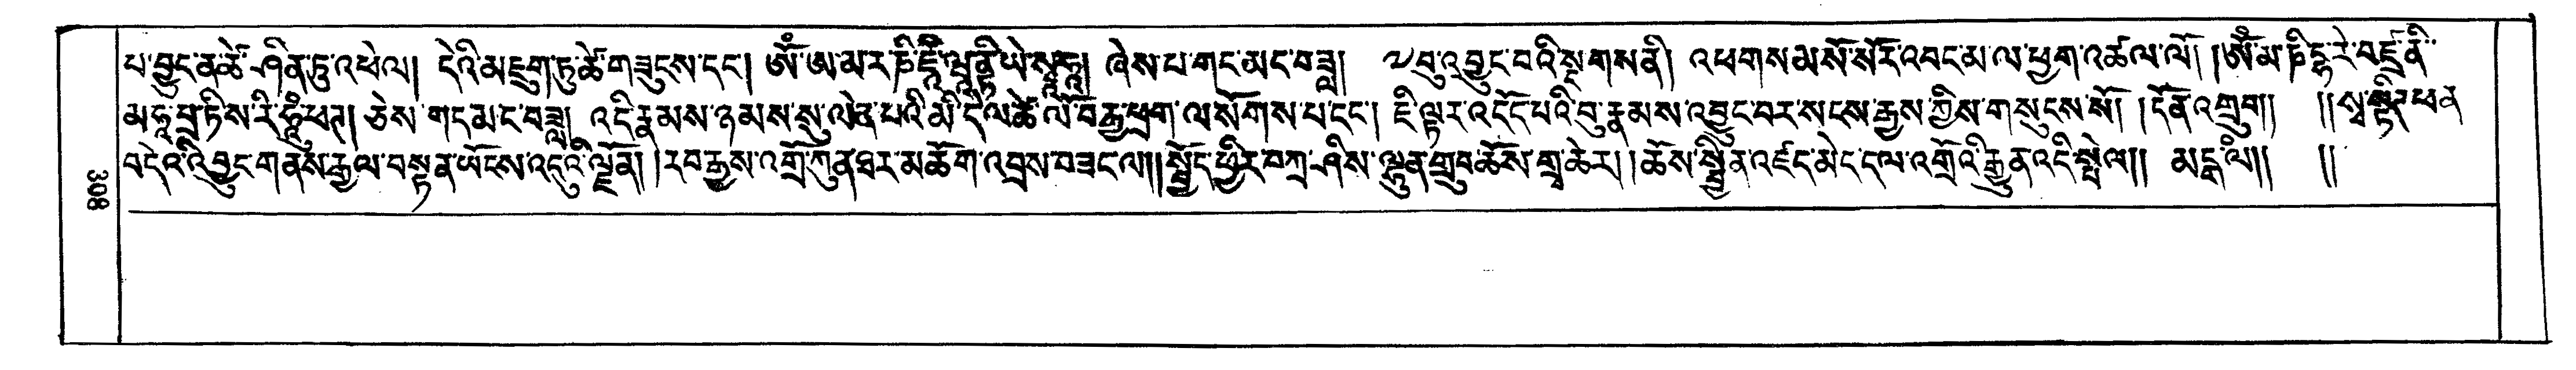པ་བྱུང་ན་ཚེ་ཤིན་ཏུ་འཕེལ། དེའི་མཇུག་ཏུ་ཚེ་གཟུངས་དང་། ཨོཾ་ཨ་མར་ཎི་ཛཱི་ཝཱནྟི་ཡེ་སྭཱཧཱ། ཞེས་པ་གང་མང་བཟླ། ༧བུ་འབྱུང་བའི་སྔགས་ནི། འཕགས་མ་སོ་སོར་འབྲང་མ་ལ་ཕྱག་འཚལ་ལོ། །ཨོཾ་མཎིདྷ་རེ་བཛྲ་ནི་
མཧཱ་པྲ་ཏི་ས་རེ་ཧཱུཾ་ཕཊ། ཅེས་གང་མང་བཟླ། འདི་རྣམས་ཉམས་སུ་ལེན་པའི་མི་དེ་ལ་ཚེ་ལོ་བརྒྱ་ཕྲག་ལ་སོགས་པ་དང་། ཇི་ལྟར་འདོད་པའི་བུ་རྣམས་འབྱུང་བར་སངས་རྒྱས་ཀྱིས་གསུངས་སོ། །དོན་འགྲུབ།། །།སྭསྟི༑༑ ཕན་
བདེའི་འབྱུང་གནས་རྒྱལ་བསྟན་ཡོངས་འདུའི་ལྗོན། །རབ་རྒྱས་འགྲོ་ཀུན་ཐར་མཆོག་འབྲས་བཟང་ལ། །སྤྱོད་ཕྱིར་བཀྲ་ཤིས་ལྷུན་གྲུབ་ཆོས་གྲྭ་ཆེར། །ཆོས་སྦྱིན་འཛད་མེད་དལ་འགྲོའི་རྒྱུན་འདི་སྤེལ།། མངྒ་ལཾ།། །།